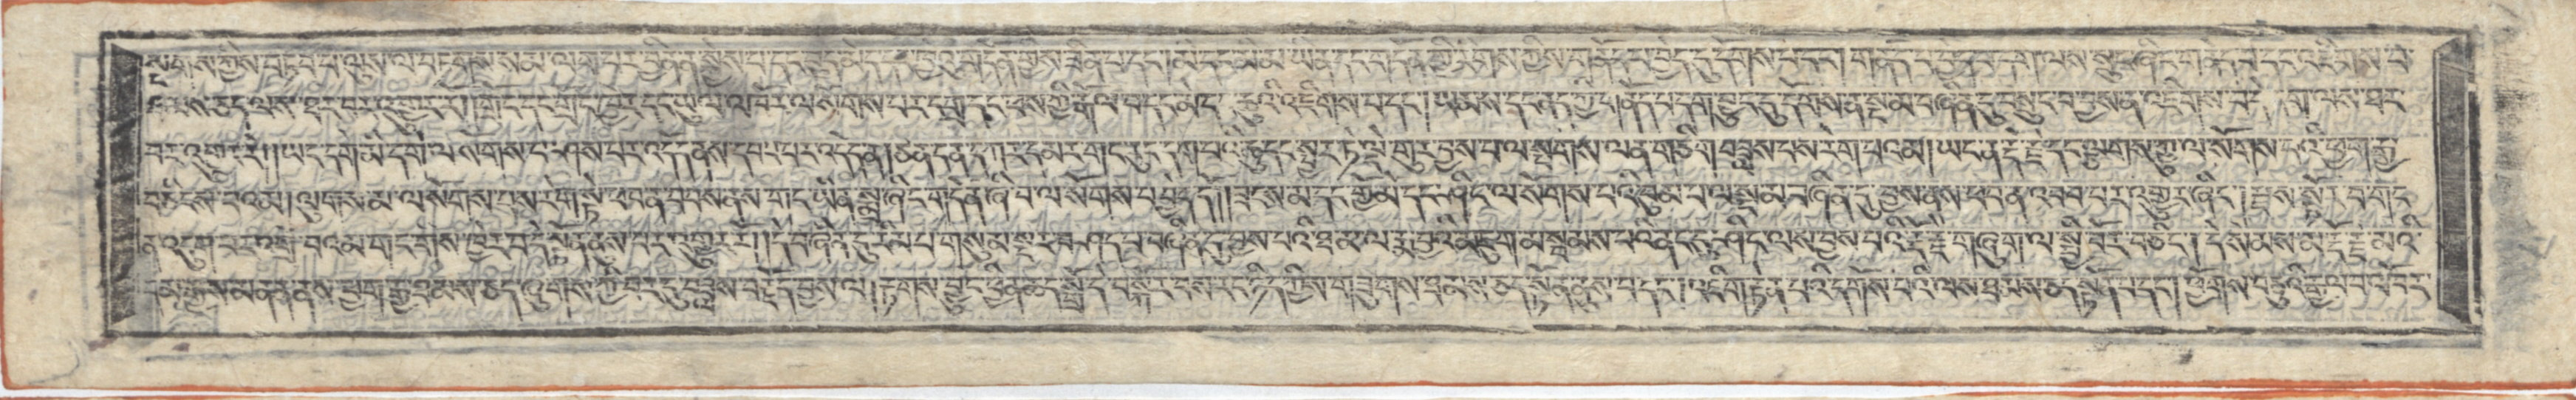སྔགས་ཀྱིས་བཏབ་པ་ལུས་ལ་བཏགས་སམ་ལག་པར་བྱིན་ན་སྐྱེས་པ་དང་བུད་མེད་དང་ཁྱེའུ་གདོན་གྱིས་ཟིན་པ་དང་། མི་དང་མི་མ་ཡིན་དང་གདོན་གྱི་རིགས་ཀྱིས་གནོད་པ་བྱེད་དུ་དོགས་པ་དང་། གནོད་པ་བྱེད་པ་དག་ལས་སྲུང་ཞིང་གནོད་པ་དང་འཇིགས་པ་
ཐམས་ཅད་ལས་ཐར་བར་འགྱུར་རོ། །གྲོང་དང་གྲོང་ཁྱེར་དང་ཡུལ་འཁོར་ལ་སོགས་པར་དགྲ་དང་ཕས་ཀྱི་རྒོལ་བ་དང་མེ་དང་ཆུའི་འཇིགས་པ་དང་། ཡམས་དང་ནད་ཀྱི་གནོད་པ་དག་བྱུང་དུ་དོགས་ན་སྔ་མ་བཞིན་དུ་བསྲུང་བ་བྱས་ན་འཇིགས་པ་དེ་དག་ལས་ཐར་
བར་འགྱུར་རོ། །ཡང་དགེ་མི་དགེ་ལ་སོགས་པ་ཤེས་པར་འདོད་ནས་དབབ་པར་འདོད་ན། ཙན་དན་དཀར་དམར་གང་རུང་དག་པའི་ཆུ་དང་སྤྱར་ཏེ་ལྡེ་གུར་བྱས་པ་ལ་སྔགས་ལན་གཅིག་བཟླས་པས་རེག་པའམ། ཡང་ན་རྡོ་རྗེ་དང་ལྕགས་ཀྱུ་ལ་སོགས་པའི་ཕྱག་རྒྱ་
བཅིངས་པའམ། ལུགས་མ་ལ་སོགས་པས་རེག་སྟེ་ཕབ་ན་བབས་ནས་གང་ཡིན་སྨྲ་ཞིང་གདོན་ཞི་བ་ལ་སོགས་པ་བྱེད་དོ། །ཟངས་མ་དང་གྱོ་མོ་དང་ཤིང་ལ་སོགས་པའི་བུམ་པ་ལ་སྔ་མ་བཞིན་དུ་བྱས་ནས་ཕབ་ན་འབབ་པར་འགྱུར་ཞིང་། རྫས་སྟོར་བ་གང་
ན་འདུག་པར་འགྲོ་བའམ་གང་གིས་ཁྱེར་བ་དེ་སྟོན་ནུས་པར་འགྱུར་རོ། །དེ་བཞིན་དུ་རིམ་པ་གསུམ་སྔར་བཤད་པ་བཞིན་དུ་བྱས་པའི་ཐ་མ་ལ་རྨ་བྱའི་མཇུག་མ་སྦམས་པའི་ནང་དུ་ཤིང་ལས་བྱས་པའི་རྡོ་རྗེ་གཞུག་ལ་སྤྱི་བོར་བཅིང་། དེ་སེམས་མ་རྡོ་རྗེ་མའི་
དམ་རྒྱས་མནན་ནས་ཕྱག་རྒྱ་ཐམས་ཅད་ཞུགས་ཀྱི་བར་དུ་བཟླས་བརྗོད་བྱས་ལ། རྟགས་བྱུང་ཕྱིན་ཆད་སྒྲོ་དེ་བསྐོར་བས་རང་ཉིད་ཀྱིས་གཟུགས་ཐམས་ཅད་སྟོན་ནུས་པ་དང་། འཇིག་རྟེན་པའི་དགོས་པའི་ལས་ཐམས་ཅད་སྟོན་པ་དང་། ཕྱོགས་བཅུའི་རྒྱལ་བ་འཁོར་